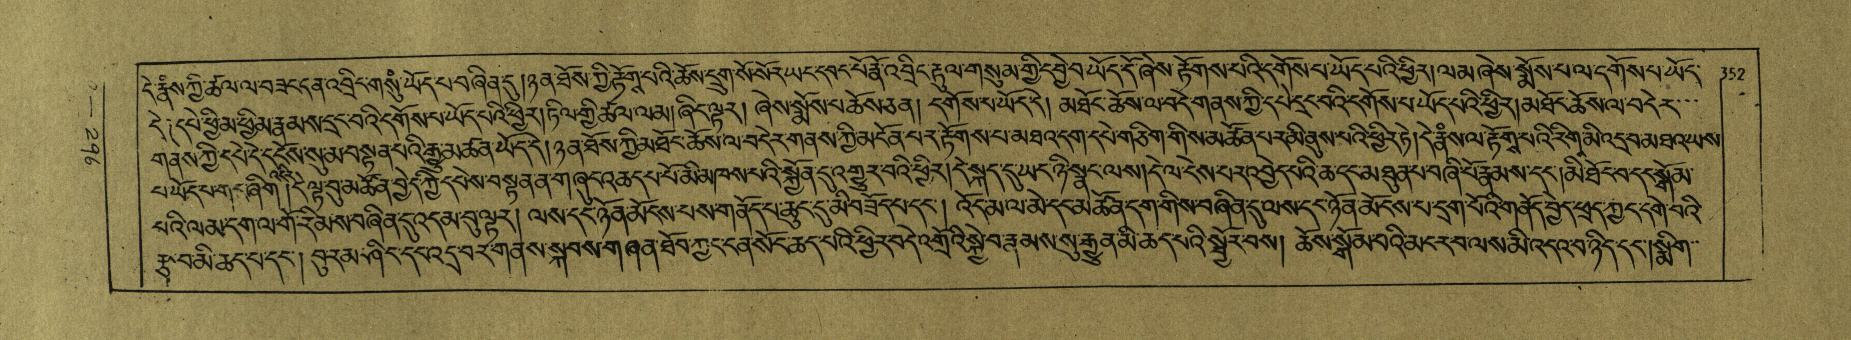དེ་རྣཾས་ཀྱི་ཚལ་ལ་བཟང་དན་འབྲིང་གསུཾ་ཡོད་པ་བཞིན་དུ། ཉན་ཐོས་ཀྱི་རྟོགས་པའི་ཆོས་དྲུག་སོ་སོར་ཡང་དབང་པོ་རྣོ་འབྲིང་རྟུལ་གསུམ་གྱི་དབྱེ་བ་ཡོད་དོ་ཞེས་རྟོགས་པའི་དགོས་པ་ཡོད་པའི་ཕྱིར། ལམ་ཞེས་སྨོས་པ་ལ་དགོས་པ་ཡོད་
དེ༑ དཔེ་ཕྱི་མ་ཕྱི་མ་རྣམས་དྲང་བའི་དགོས་པ་ཡོད་པའི་ཕྱིར། ཏིལ་གྱི་ཚལ་ལམ། ཞིང་ལྟར། ཞེས་སྨོས་པ་ཆོས་ཅན། དགོས་པ་ཡོད་དེ། མཐོང་ཆོས་ལ་བདེ་གནས་ཀྱི་དཔེ་དྲང་བའི་དགོས་པ་ཡོད་པའི་ཕྱིར། མཐོང་ཆོས་ལ་བདེར་
གནས་ཀྱི་དཔེ་དེ་འདིར་དངོས་སུ་མ་བསྟན་པའི་རྒྱུ་མཚན་ཡོད་དེ། ཉན་ཐོས་ཀྱི་མཐོང་ཆོས་ལ་བདེར་གནས་ཀྱི་མངོན་པར་རྟོགས་པ་མཐའ་དག་དཔེ་གཅིག་གིས་མཚོན་པར་མི་ནུས་པའི་ཕྱིར་ཏེ། དེ་རྣཾས་ལ་རྟོགས་པའི་རིགས་མི་འདྲ་བ་མཐའ་ཡས་
པ་ཡོད་པ་གང་ཞིག །དེ་ལྟ་བུ་མཚོན་བྱེད་ཀྱི་དཔེས་བསྟན་ན་གཞུང་འཆད་པ་པོ་མི་མཁས་པའི་སྐྱོན་དུ་འགྱུར་བའི་ཕྱིར། དེ་སྐད་དུ་ཡང་ཉི་སྣང་ལས། དེ་ལ་ངེས་པར་འབྱེད་པའི་ཆ་དང་མཐུན་པ་བཞི་པོ་རྣམས་དང་། མི་ཐོང་བ་དང་སྒོམ་
པའི་ལམ་དག་ལ་གོ་རིམས་བཞིན་དུ་འདམ་བུ་ལྟར། ལས་དང་ཉོན་མོངས་པས་གནོད་པ་ཆུང་དུ་མི་བཟོད་པ་དང་། འོད་མ་ལ་མེ་དང་མཚོན་དག་གིས་བཞིན་དུ་ལས་དང་ཉོན་མོངས་པ་དྲག་པོའི་གནོད་བྱེད་ཕྲད་ཀྱང་དགེ་བའི་
རྩ་བ་མི་ཆད་པ་དང་། བུ་རམ་ཤིང་དང་འདྲ་བར་གནས་སྐབས་གཞན་ཐོབ་ཀྱང་ངན་སོང་ཆད་པའི་ཕྱིར་བདེ་འགྲོའི་སྐྱེ་བ་རྣམས་སུ་རྒྱུན་མི་ཆད་པའི་སྦྱོར་བས། ཆོས་སྒོམ་པའི་མངར་བ་ལས་མི་འདའ་བ་ཉིད་དང་། སྨིག་